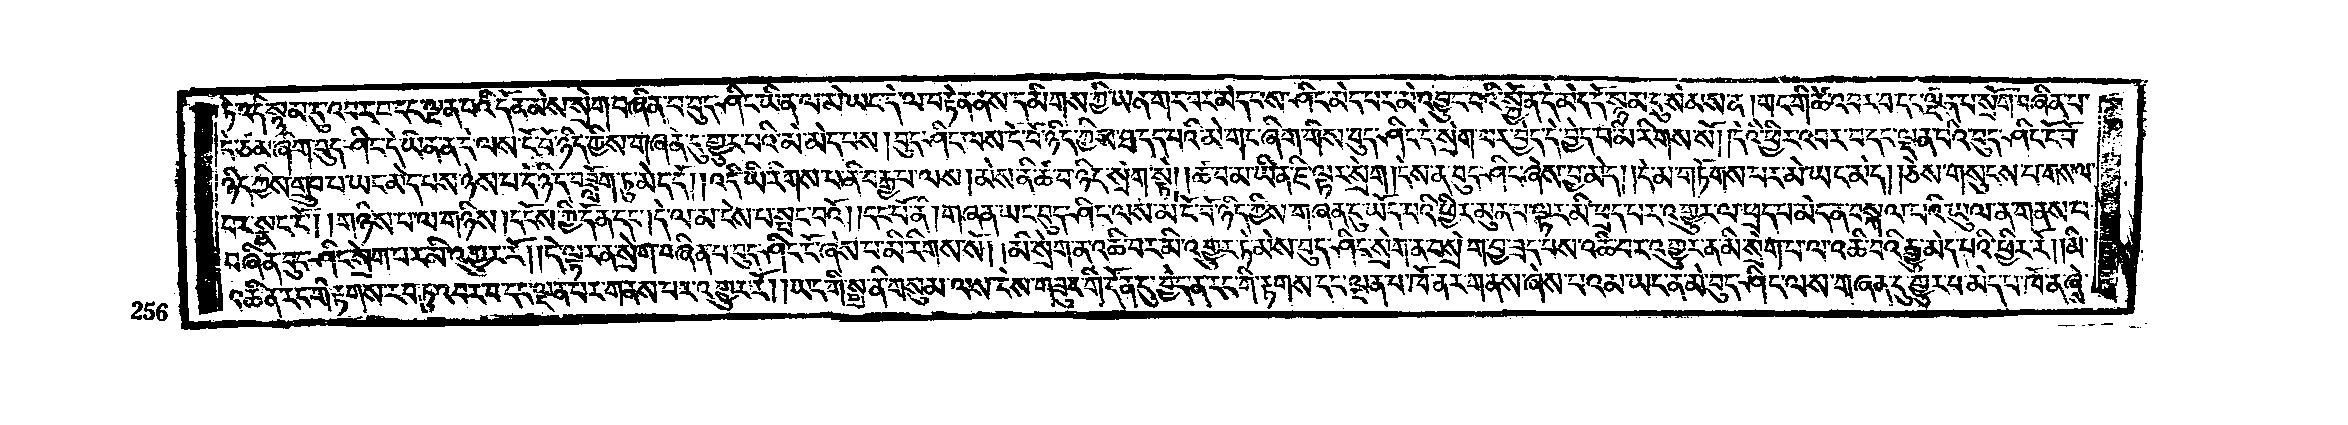ཏེ་འདི་སྙམ་དུ་འབར་བ་དང་ལྡན་པའི་དོན་མེས་སྲེག་བཞིན་པ་བུད་ཤིང་ཡིན་ལ་མེ་ཡང་དེ་ལ་བརྟེན་ནས་དམིགས་ཀྱི་ཡན་གར་བར་མེད་པས་ཤིང་མེད་པར་མེ་འབྱུང་བའི་སྐྱོན་དེ་མེད་དོ་སྙམ་དུ་སེམས་ན། གང་གི་ཚེ་འབར་བ་དང་ལྡན་པ་སྲེག་བཞིན་པ་
དེ་ཙམ་ཞིག་བུད་ཤིང་དེ་ཡིན་ན་དེ་ལས་ངོ་བོ་ཉིད་ཀྱིས་གཞན་དུ་གྱུར་པའི་མེ་མེད་པས། བུད་ཤིང་ལས་ངོ་བོ་ཉིད་ཀྱིས་ཐ་དད་པའི་མེ་གང་ཞིག་གིས་བུད་ཤིང་དེ་སྲེག་པར་བྱེད་དེ་བྱེད་པ་མི་རིགས་སོ། །དེའི་ཕྱིར་འབར་བ་དང་ལྡན་པའི་བུད་ཤིང་ངོ་བོ་
ཉིད་ཀྱིས་གྲུབ་པ་ཡང་མེད་པས་ཉེས་པ་དེ་ཉིད་བཟློག་ཏུ་མེད་དོ། །འདི་ཡི་རིགས་པ་ནི་བརྒྱ་པ་ལས། མེས་ནི་ཚ་བ་ཉིད་སྲེག་སྟེ། །ཚ་བ་མ་ཡིན་ཇི་ལྟར་སྲེག །དེས་ན་བུད་ཤིང་ཞེས་བྱ་མེད། །དེ་མ་གཏོགས་པ་མེ་ཡང་མེད། །ཅེས་གསུངས་པ་གསལ་
བར་སྣང་ངོ། །གཉིས་པ་ལ་གཉིས། དངོས་ཀྱི་དོན་དང་། དེ་ལ་མ་ངེས་པ་སྤང་བའོ། །དང་པོ་ནི། གཞན་ཡང་བུད་ཤིང་ལས་མེ་ངོ་བོ་ཉིད་ཀྱིས་གཞན་དུ་ཡོད་པའི་ཕྱིར་མུན་པ་ལྟར་མི་ཕྲད་པར་འགྱུར་ལ་ཕྲད་པ་མེད་ན་བསྐལ་པའི་ཡུལ་ན་གནས་པ་
བཞིན་བུད་ཤིང་སྲེག་པར་མི་འགྱུར་རོ། །དེ་ལྟར་ན་སྲེག་བཞིན་པ་བུད་ཤིང་ངོ་ཞེས་པ་མི་རིགས་སོ། །མི་སྲེག་ན་འཆི་བར་མི་འགྱུར་ཏེ་མེས་བུད་ཤིང་སྲེག་ན་བསྲེག་བྱ་ཟད་པས་འཆི་བར་འགྱུར་ན་མི་སྲེག་པ་ལ་འཆི་བའི་རྒྱུ་མེད་པའི་ཕྱིར་རོ། །མི་
འཆིན་རང་གི་རྟགས་རབ་ཏུ་འབར་བ་དང་ལྡན་པར་གནས་པར་འགྱུར་རོ། །ཡང་གི་སྒྲ་ནི་གསུམ་ལས་ངེས་གཟང་གི་དོན་དུ་བྱེད་ན་རང་གི་རྟགས་དང་ལྡན་པ་ཁོ་ནར་གནས་ཞེས་པའམ་ཡང་ན་མེ་བུད་ཤིང་ལས་གཞན་དུ་གྱུར་པ་མེད་པ་ཁོ་ན་ཞེས་